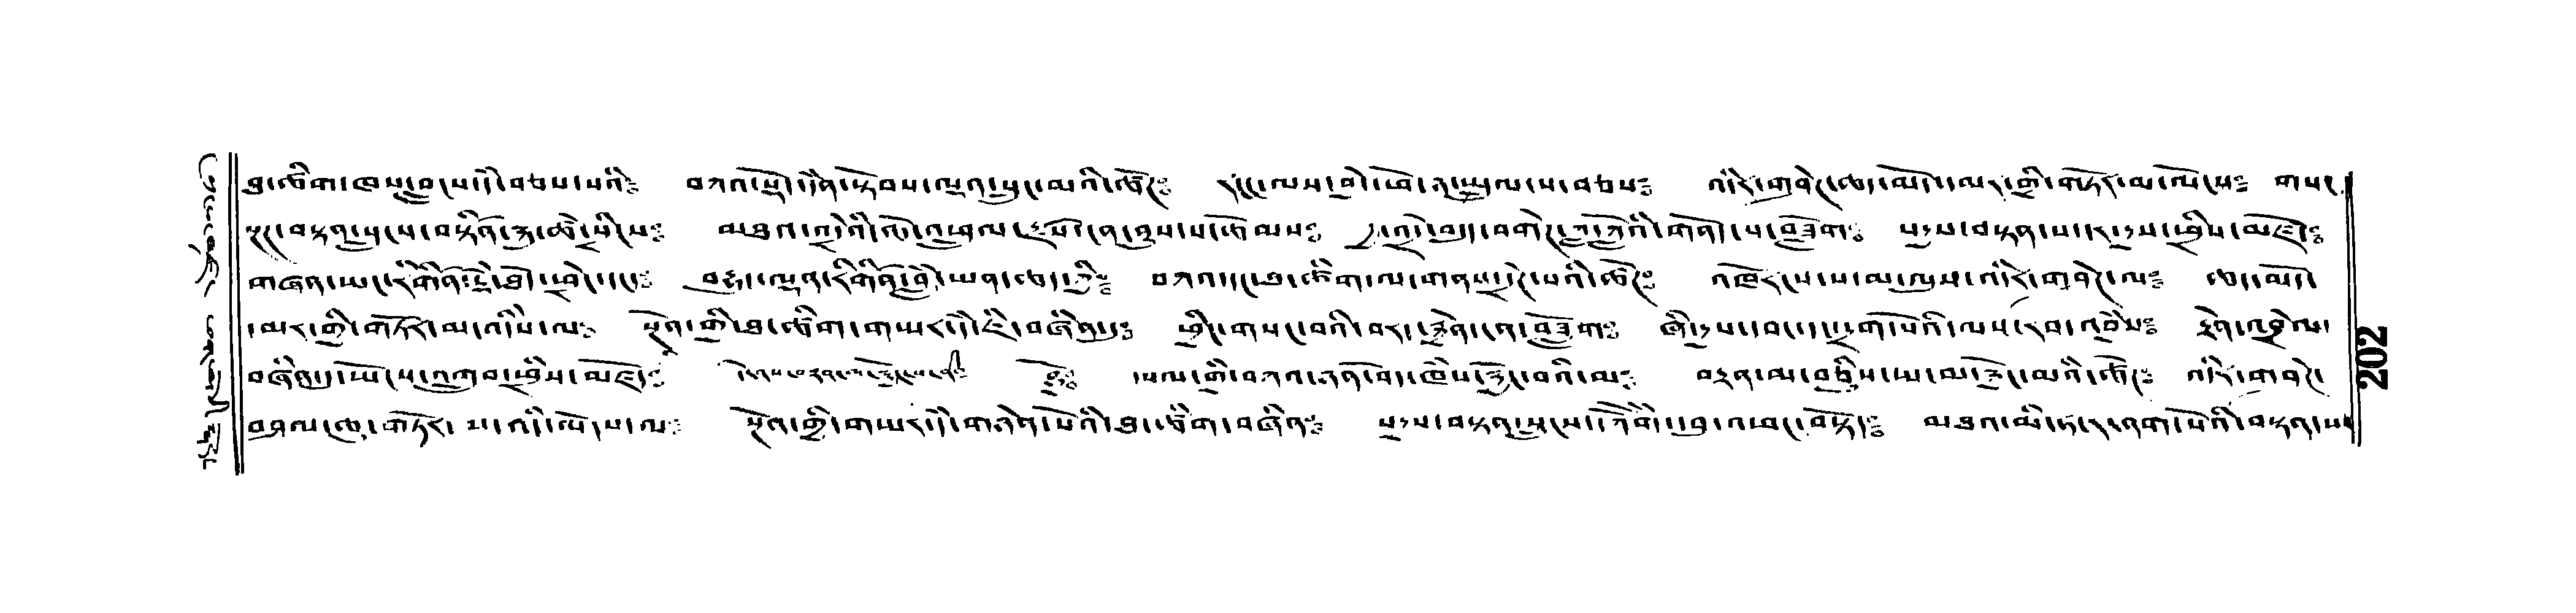ཐ་ཚིག་ཁས་བླངས་དམ་བཅས་པའི༔ བཀའ་སྡོད་དམ་ཅན་སྟོབས་ལྡན་སྲུང་མའི་ཚོགས༔ རང་རང་ལས་བྱེད་ཕོ་ཉ་སྤྲུལ་པ་བཅས༔ འདིར་གཤེགས་ཆད་མདོ་དམར་གྱི་གཏོར་མ་ལོངས༔ གསང་
སྔགས་བསྟན་སྲུངས་བསྟན་འཛིན་སྐུ་ཚེ་སྲིངས༔ མཐའ་འདྲེའི་ཆོ་འཕྲུལ་རྫས་ངན་ནུས་པ་ཆོམས༔ རྒྱ་འདྲེ་བདུད་བགེགས་ཀླ་ཀློའི་གནོད་པ་བཟློག༔ སངས་རྒྱས་བསྟན་པ་དར་རྒྱས་ཕྲིན་ལས་མཛོད༔ 
གཞན་ཡང་རིག་འཛིན་རྡོ་རྗེ་ཐོད་ཕྲེང་དང༔ བརྒྱུད་ལྡན་རིག་འཛིན་བླ་མ་ཡན་ཆད་ཀྱི༔ བཀའ་དང་ཐ་ཚིག་ལ་གནས་དྲེགས་པའི་ཚོགས༔ འཁོར་བཅས་པ་མ་ལུས་འདིར་གཤེགས་ལ༔ ཆད་མདོ་
དམར་གྱི་གཏོར་མ་འདི་བཞེས་ལ༔ སྔོན་གྱི་ཐ་ཚིག་གཡར་དམ་ཇི་བཞིན་དུ༔ ཕྱི་ནང་གསང་བའི་བར་ཆད་རྐྱེན་ངན་བཟློག༔ ཞི་རྒྱས་དབང་དང་དྲག་པོའི་ལས་རབ་འབྱམས༔ རྟེན་འབྲེལ་
བཞིན་དུ་ཡོངས་འགྲུབ་ཕྲིན་ལས་མཛོད༔ དེ་ནས་བརྟན་མ་སྐྱོང་པ་ནི༔བྷྱོ༔ དཔལ་གྱི་བཀའ་ཉན་བོད་ཁམས་སྐྱོང་བའི་མ༔ བརྟན་མ་བཅུ་གཉིས་ཡ་མ་སྐྱོང་མའི་ཚོགས༔ འདིར་གཤེགས་
བཤལ་ཆུ་གཏོར་མ་འདི་ལོངས་ལ༔ སྔོན་གྱི་གཡར་དམ་གཉེན་པོའི་ཐ་ཚིག་བཞིན༔ སངས་རྒྱས་བསྟན་སྲུངས་དཀོན་མཆོག་དབུ་འཕང་བསྟོད༔ མཐའ་མི་ཧ་ར་ནག་པོའི་བསྟན་པ་